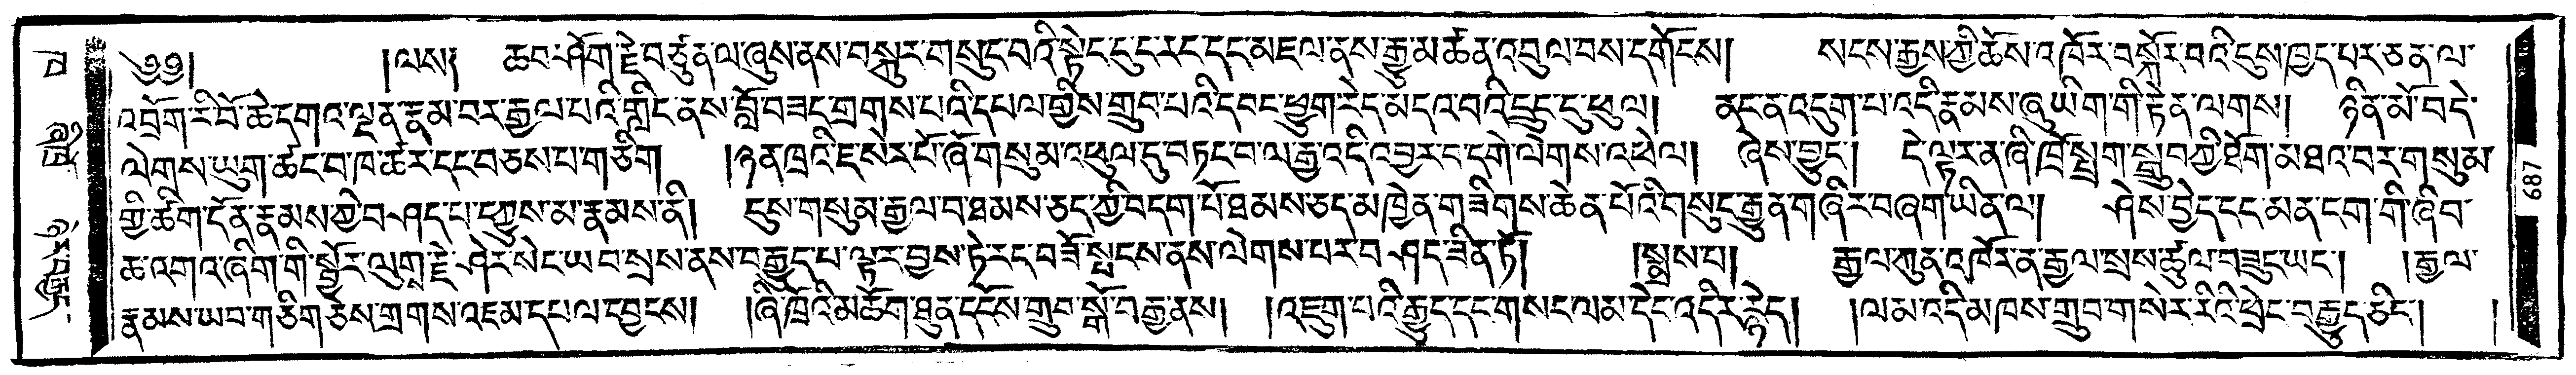༄༅། །ལས༑ ཆབ་ཤོག་རྗེ་བཙུན་ལ་ཞུས་ནས་བསྐུར་གསུང་བའི་སྟེང་དུ་ང་རང་དང་མཇལ་ནས་རྒྱུ་མཚན་འབུལ་བས་དགོངས། སངས་རྒྱས་ཀྱི་ཆོས་འཁོར་བསྐོར་བའི་དུས་ཁྱད་པར་ཅན་ལ་
འབྲོག་རི་བོ་ཆེ་དགའ་ལྡན་རྣམ་པར་རྒྱལ་པའི་གླིང་ནས་བློ་བཟང་གྲགས་པའི་དཔལ་གྱིས་གྲུབ་པའི་དབང་ཕྱུག་རེད་མདའ་བའི་དྲུང་དུ་ཕུལ། ནང་ན་འདུག་པ་འདི་རྣམས་ཞུ་ཡིག་གི་རྟེན་ལགས། ཉིན་མོ་བདེ་
ལེགས་ཡུག་ཚང་བ་ཁ་ཚར་དང་བཅས་པ་གཅིག །ཉན་ཁྲའི་ཇ་སེར་པོ་ཞོ་གསུམ་འཕུལ་དུ་བཏང་བ་ལ་རྒྱ་འདི་འབྱར་ང་དགེ་ལེགས་འཕེལ། ཞེས་བྱུང་། དེ་ལྟར་ན་ཞི་ཁྲོ་སྤྲག་སྒྲུབ་ཀྱི་ཐོག་མཐའ་བར་གསུམ་
གྱི་ཚིག་དོན་རྣམས་ཀྱི་བཤད་པ་དཀྱུས་མ་རྣམས་ནི། དུས་གསུམ་རྒྱལ་བ་ཐམས་ཅད་ཀྱི་བདག་པོ་ཐམས་ཅད་མཁྱེན་གཟིགས་ཆེན་པོའི་གསུང་རྒྱུན་གཞིར་བཞག་ཡིན་ལ། ཤེས་བྱེད་དང་མན་ངག་གི་ཞིབ་
ཆ་འགའ་གི་སྦྱོར་ལུགས་རྗེ་ཤེར་སེང་ཡབ་སྲས་ནས་བརྒྱུད་པ་ལྟར་བྱས་ཏེ་རད་བཟོ་སྤངས་ནས་ལེགས་པར་བཤད་ཟིན་ཏོ། །སྨྲས་བ། རྒྱལ་ཀུན་འཁོར་ན་རྒྱལ་སྲས་ཚུལ་བཟུང་ཡང་། །རྒྱལ་
རྣམས་ཡབ་གཅིག་ཅེས་གྲགས་འཇམ་དཔལ་དབྱངས། །ཞི་ཁྲོའི་མཆོག་ཐུན་དངོས་གྲུབ་སྒོ་བརྒྱ་ནས། །འཇུག་པའི་རྒྱུད་དང་གསང་ལམ་དེང་འདིར་རྙེད། །ལམ་འདི་མཁས་གྲུབ་གསེར་རིའི་ཕྲེང་བརྒྱུད་ཅིང་། །